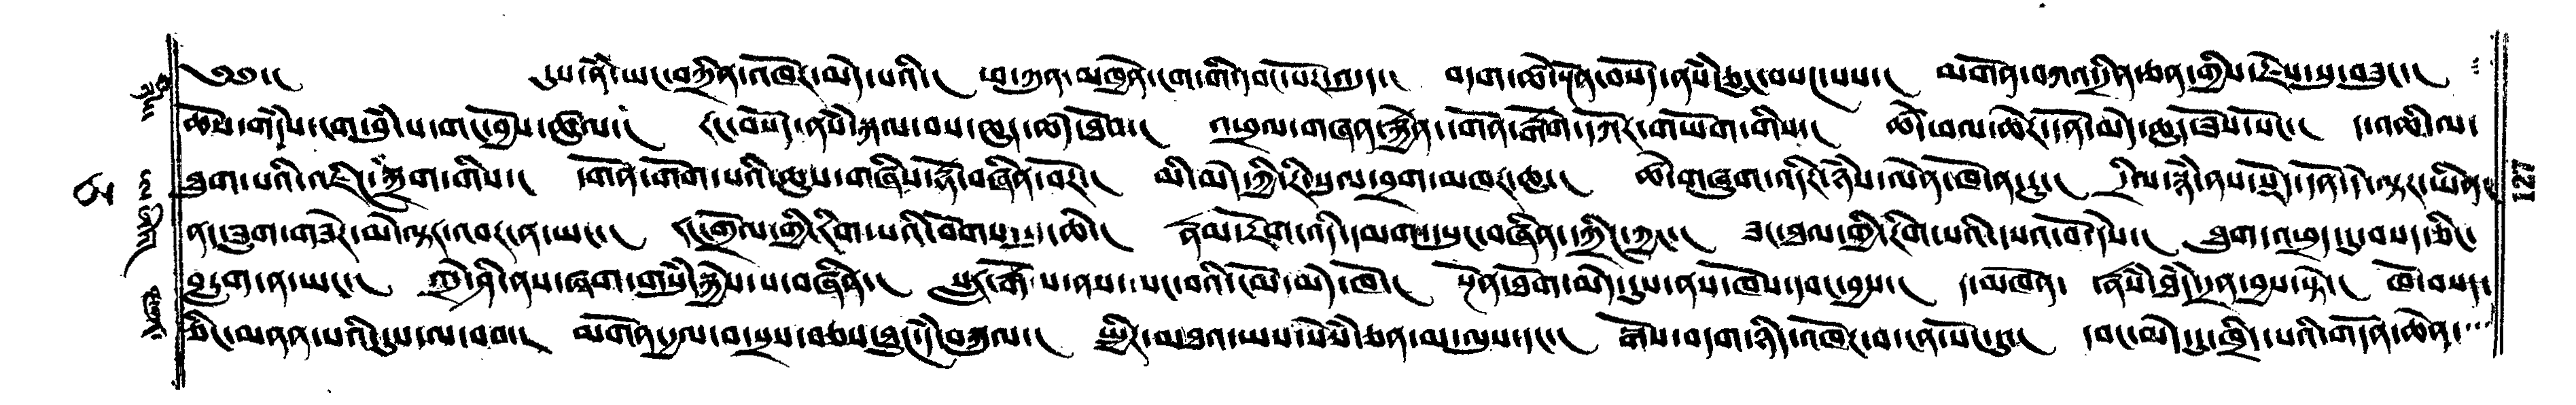༄༅། དུས་ནམ་ཡང་བཀའ་དྲིན་འཁོར་མེད་པའི། །ཕ་ཀུན་མཁྱེན་ངག་གི་དབང་པོར་འདུད། །བདག་ཚེ་སྔོན་བསོད་ནམས་ཅུང་བསགས་པས། །མགོན་བཀའ་དྲིན་ཅན་གྱིས་རྗེས་སུ་བཟུང་། །
ཆོས་གདམས་ངག་བུམ་པ་གང་བྱོའི་ཚུལ། །རང་བསོད་ནམས་སྐལ་བས་ཅུང་ཟད་ཐོབ། །འཕྲལ་གཞན་རྐྱེན་དགོན་གོག་དཀོར་གཡོག་གིས། །ཚེད་ཕལ་ཆེར་དོན་མེད་ཆུད་ཟོས་སོང་། །ད་འཆི་ལ་
ཐུག་པའི་འཇིགས་སྐྲག་གིས། །དགོན་གོག་པོའི་ཆུས་གཞིས་རྡོ་བཞིན་བོར། །མི་མེད་ཀྱི་རི་སུལ་བྲག་མཁར་ཆུར། །ཚེ་གཞུག་འདིར་ཉམས་ལེན་ཁོ་ན་རུ། །དྲིལ་སྙམ་ནས་སྡོད་དོན་དེ་ལྟར་ཡིན། །
ནད་ཟུག་གཟེར་མེ་ལྟར་འབར་ན་ཡང་། །རང་གྲོལ་གྱི་རིག་པའི་བོགས་སུ་ཆེ། །རྣམ་རྟོག་འདི་དམག་དཔུང་བཞིན་དཀྲིགས་ཀྱང་། །ཟང་ཐལ་གྱི་རིག་པའི་དཔའ་བོ་དེས། །ཐུག་འཕྲད་དུ་བསད་ཅིང་
བརླག་ན་ཡང་། །འདྲཻ་ཤི་ནས་ཞག་གསུམ་སྐྱེས་པ་བཞིན། །སླར་རྒོལ་ནས་ལང་བའི་ངོམ་མེད་ཁོ། །སྔོན་ཐོག་མེད་དུས་ནས་ཁོས་དབང་བྱས། །ད་འཁོན་རྣམས་ཐམས་ཅད་དྲན་བྱས་སྟེ། ཁོ་བསད་
ཅིང་མནན་པའི་དུས་ལ་བབ། །མགོན་རྒྱལ་བ་སྲས་བཅས་ཐུགས་དམ་བསྐུལ། །སྤྱིར་མཐའ་ཡས་སེམས་ཅན་མ་ལུས་དང་། །སྒོས་བདག་ཉིད་འཁོར་བ་ངན་སོང་དུ། །དབང་མེད་དུ་འཁྲིད་པའི་གདོན་ཆེན་